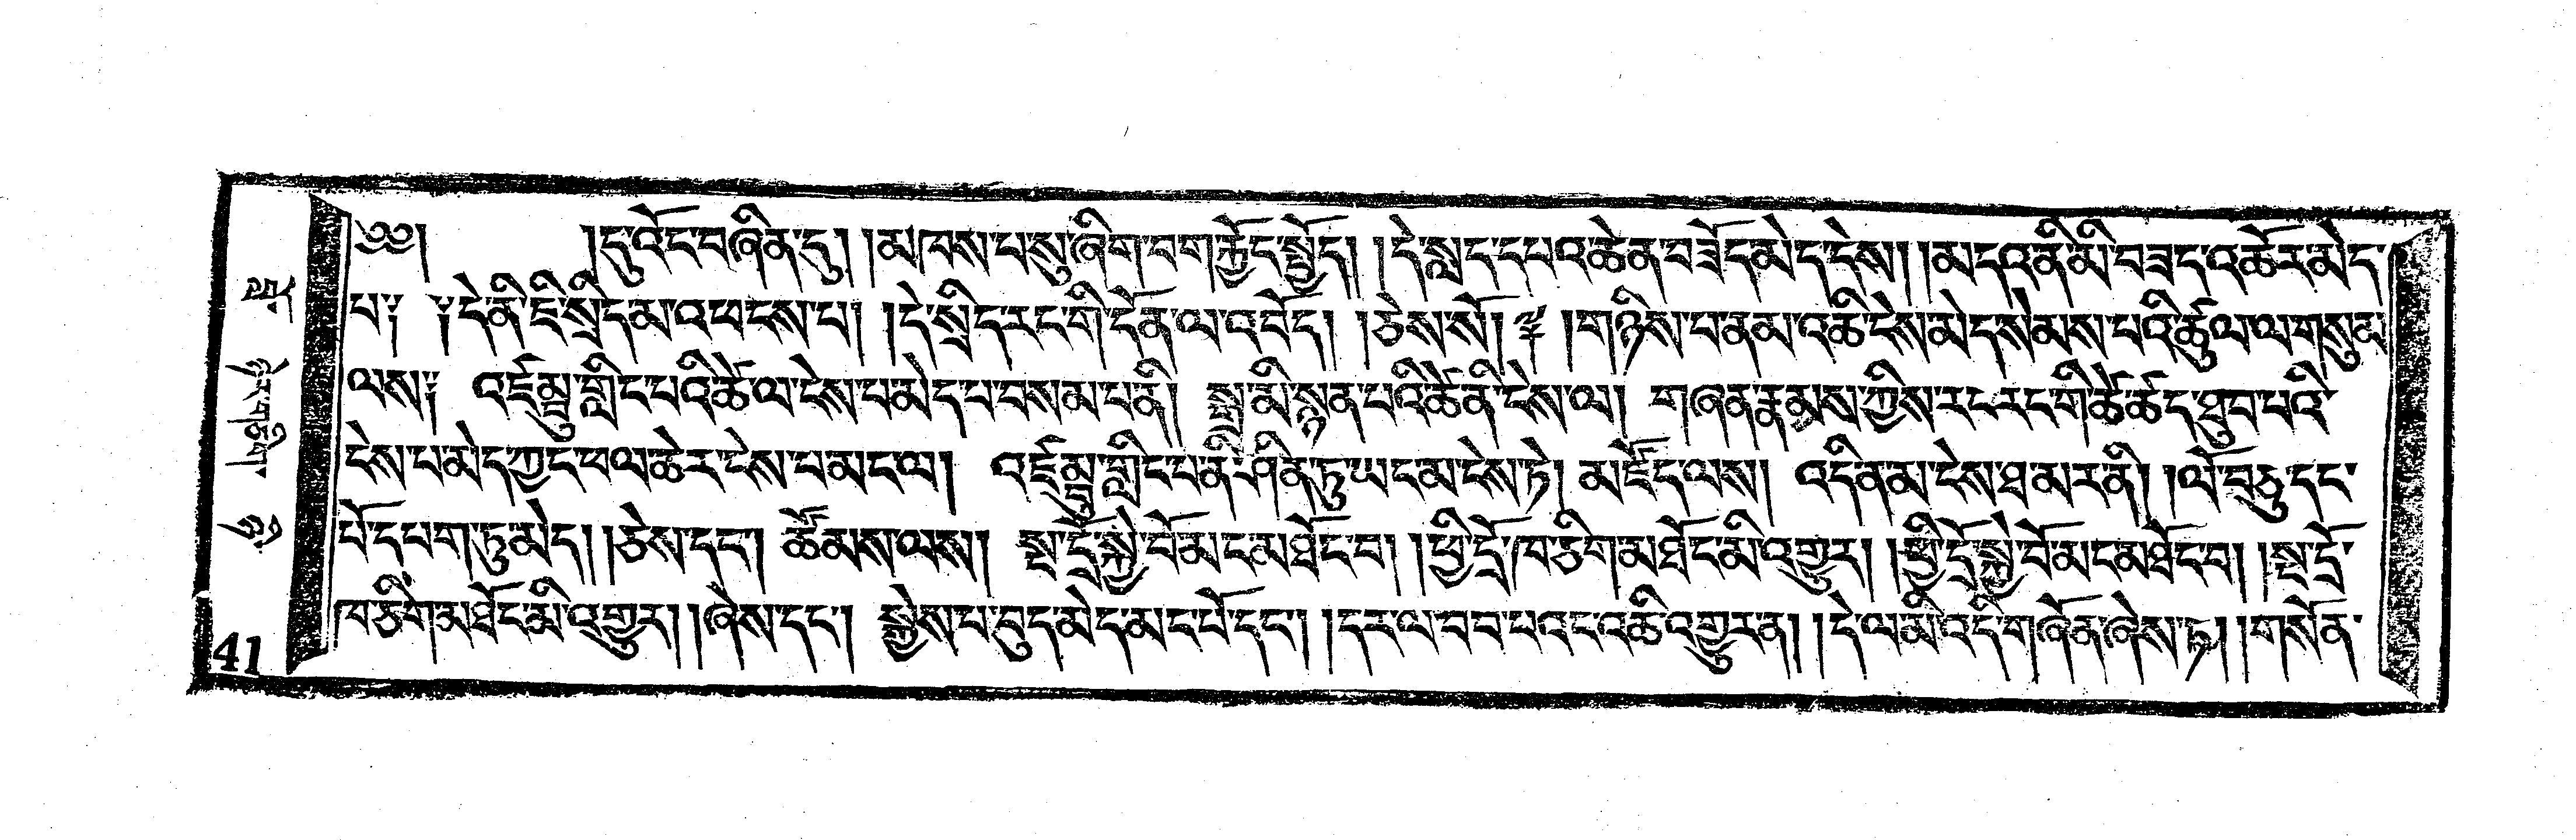༄༅། །དུ་འོང་བཞིན་དུ། །མཁས་པ་སུ་ཞིག་བག་རྐྱོང་སྤྱོད། །དེ་སླད་དཔའ་ཆེན་བཟོད་མེད་དེས། །མདའ་ནི་མི་བཟད་འཚོར་མེད་
པ༑ ༑དེ་ནི་ཇི་སྲིད་མ་འཕངས་པ། །དེ་སྲིད་རང་གི་དོན་ལ་འབོད། །ཅེས་སོ། ༈ །གཉིས་པ་ནམ་འཆི་ངེས་མེད་སེམས་པའི་ཚུལ་ལ་གསུམ་
ལས༑ འཛམ་བུ་གླིང་པའི་ཚེ་ལ་ངེས་པ་མེད་པ་བསམ་པ་ནི། སྒྲ་མི་སྙན་པའི་ཚེ་ནི་ངེས་ལ། གཞན་རྣམས་ཀྱིས་རང་རང་གི་ཚེ་ཚད་ཐུབ་པའི་
ངེས་པ་མེད་ཀྱང་ཕལ་ཆེར་ངེས་པ་མང་ལ། འཛམ་བུ་གླིང་པ་ནི་ཤིན་ཏུ་ཡང་མ་ངེས་ཏེ། མཛོད་ལས། འདི་ན་མ་ངེས་ཐ་མར་ནི། །ལོ་བཅུ་དང་
པོ་དཔག་ཏུ་མེད། །ཅེས་དང་། ཚོམས་ལས། སྔ་དྲོ་སྐྱེ་བོ་མང་མཐོང་བ། །ཕྱི་དྲོ་ཁ་ཅིག་མཐོང་མི་འགྱུར། །ཕྱི་དྲོ་སྐྱེ་བོ་མང་མཐོང་བ། །སྔ་དྲོ་
ཁ་ཅིག་མཐོང་མི་འགྱུར། །ཞེས་དང་། སྐྱེས་པ་བུད་མེད་མང་པོ་དང་། །དར་ལ་བབ་པའང་འཆི་འགྱུར་ན། །དེ་ལ་མི་འདི་གཞོན་ཞེས་ཏ། །གསོན་